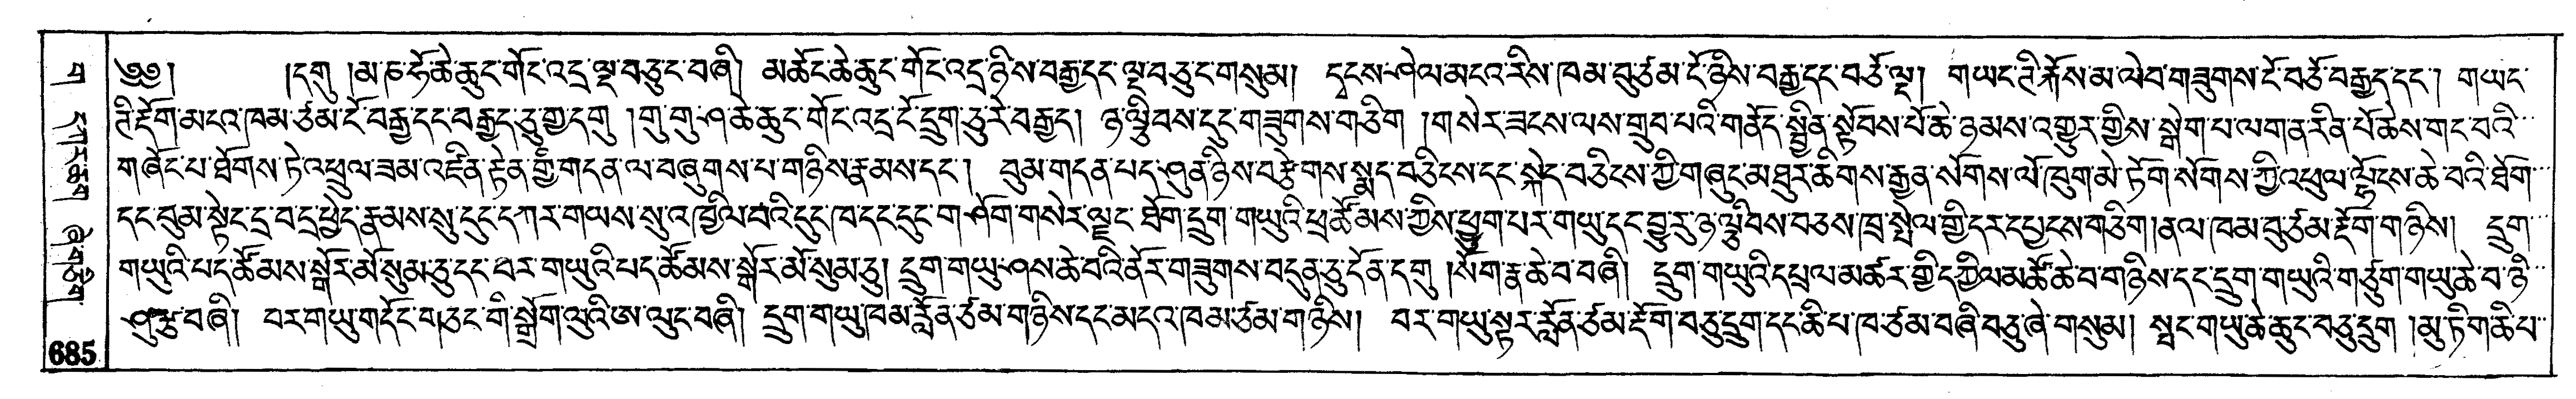༄༅། །དགུ །མ་ཎ་ཧོ་ཆེ་ཆུང་གོང་འདྲ་ལྔ་བཅུ་ང་བཞི། མཆོང་ཆེ་ཆུང་གོང་འདྲ་ཉིས་བརྒྱ་དང་ལྔ་བཅུ་ང་གསུམ། དྭངས་ཤེལ་མངའ་རིས་ཁམ་བུ་ཙམ་ངོ་ཉིས་བརྒྱ་དང་བཅོ་ལྔ། གཡང་ཊི་རྐོས་མ་ལེབ་གཟུགས་དེ་བཅོ་བརྒྱད་དང་། གཡང་
ཊི་རྡོག་མངའ་ཁམ་ཙམ་ངོ་བརྒྱ་དང་བརྒྱད་ཅུ་གྱ་དགུ །གུ་གུ་ཤ་ཆེ་ཆུང་གོང་འདྲ་དོ་དྲུག་ཅུ་རེ་བརྒྱད། ཉ་ལྕིབས་དུང་གཟུགས་གཅིག །གསེར་ཟངས་ལས་གྲུབ་པའི་གནོད་སྦྱིན་སྟོབས་པོ་ཆེ་ཉམས་འགྱུར་གྱིས་སྒེག་པ་ལག་ན་རིན་པོ་ཆེས་གང་བའི་
གཞོང་པ་ཐོགས་ཏེ་འཕྲུལ་ཟམ་འཇིན་རྟེན་གྱི་གདན་ལ་བཞུགས་པ་གཉིས་རྣམས་དང་། བུམ་གདན་པད་ཤུན་ཉིས་བརྩེགས་སྨད་བཅིངས་དང་སྐེད་བཅིངས་ཀྱི་གཞུང་མཐུར་ཚིགས་རྒྱན་སོགས་ལོ་ཁུག་མེ་ཏོག་སོགས་ཀྱི་འཕུལ་ལྷོངས་ཆེ་པའི་ཐོག་
དང་བུམ་སྟེང་དྲ་བ་དྲ་ཕྱེད་རྣམས་སུ་དུང་དཀར་གཡས་སུ་འཁྱིལ་བའི་དུང་ཁ་དང་དུང་གཤོག་གསེར་ལྗང་ཐོག་དྲུག་གཡུའི་ཕྲ་ཚོམས་ཀྱིས་ཕྱུག་པར་གཡུ་དང་བྱུ་རུ་ཉ་ལྕེབས་བཅས་ཁྲ་སྤེལ་གྱི་དར་དཔྱངས་གཅིག །ནལ་ཁམ་བུ་ཙམ་རྡོག་གཉིས། དྲུག་
གཡུའི་པད་ཚོ་མས་སྒོར་མོ་སུམ་ཅུ་དང་བར་གཡུའི་པད་ཚོམས་སྒོར་མོ་སུམ་ཅུ། དྲུག་གཡུ་ཤས་ཆེ་བའི་ནོར་གཟུགས་བདུན་ཅུ་དོན་དགུ །སོག་རྣ་ཆེ་བ་བཞི། དྲུག་གཡུའི་དཔྲལ་མཚར་གྱི་དཀྱིལ་མཚོ་ཆེ་བ་གཉིས་དང་དྲུག་གཡུའི་གཙུག་གཡུ་ཆེ་བ་ཉི་
ཤུ་རྩ་བཞི། བར་གཡུ་གདོང་གཙང་གི་སྒྲོག་ལུའི་ཨ་ལུང་བཞི། དྲུག་གཡུ་ཁམ་རློན་ཙམ་གཉིས་དང་མངའ་ཁམ་ཙམ་གཉིས། བར་གཡུ་སྟར་རློན་ཙམ་རྡོག་བཅུ་དྲུག་དང་ཆི་པ་ཁ་ཙམ་བཞི་བཅུ་ཞེ་གསུམ། སྦང་གཡུ་ཆེ་ཆུང་བཅུ་དྲུག །མུ་ཏིག་ཆིག་